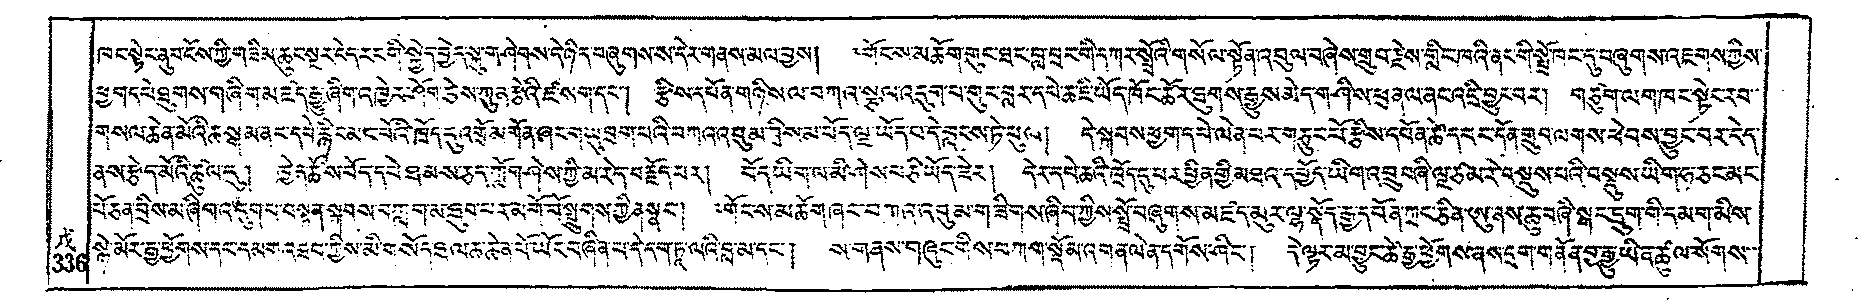ཁང་སྟེང་ནུབ་ངོས་ཀྱི་གཟིམ་ཆུང་སྔར་ངེད་རང་གི་སྐྱེད་བྱེད་སྐུ་གཤེགས་དེ་ཉིད་བཞུགས་ས་དེར་གནས་མལ་བྱས། ༧གོང་ས་མཆོག་གུང་ཐང་བླ་བྲང་གི་དཀར་སྤྲོའི་གསོལ་སྟོན་འབུལ་བཞེས་གྲུབ་རྗེས་གླིང་ཁའི་ནང་གི་སྤྲོ་ཁང་དུ་བཞུགས་འཇགས་ཀྱིས་
ཕྱག་དཔེ་ཐུགས་གཞིག་མཛད་རྒྱུ་ཞིག་འཁྱེར་ཤོག་ཅེས་ཀུན་རྩེའི་ཛ་སག་དང་། རྩིས་དཔོན་གཉིས་ལ་བཀའ་སྩལ་འདུག་པ་གུང་བླར་དཔེ་ཆ་ཇི་ཡོད་ཁོང་ཚོར་ཐུགས་རྒྱུས་མེད་གཤིས་ཕྲན་ལ་ནང་འདྲི་བྱུང་བར། གཙུག་ལག་ཁང་སྟེང་རབ་
གསལ་ཆེན་མོའི་ཆ་སྒམ་ནང་དཔེ་རྙིང་མང་པོའི་ཁྲོད་དུ་འགྲོ་མགོན་ཞང་གཡུ་བྲག་པའི་བཀའ་འབུམ་བྲིས་མ་པོད་ལྔ་ཡོད་པ་དེ་བླངས་ཏེ་ཕུལ། དེ་སྐབས་ཕྱག་དཔེ་ལེན་པར་གཅུང་པོ་རྩིས་དཔོན་ཚེ་དབང་དོན་གྲུབ་ལགས་ཕེབས་བྱུང་བར་ངེད་
ནས་རྩེད་མོའི་ཚུལ་དུ། ཁྱེད་ཚོས་བོད་དཔེ་ཐམས་ཅད་ཀློག་ཤེས་ཀྱི་མ་རེད་བརྗོད་པར། བོད་ཡིག་ལ་མི་ཤེས་པ་ཅི་ཡོད་ཟེར། དེར་དཔེ་ཆའི་ཁྲོད་དུ་ཕར་ཕྱིན་གྱི་མཐའ་དཔྱོད་ཡིག་འབྲུ་བཞི་ལྔ་ཙམ་རེ་བསྡུས་པའི་བསྡུས་ཡིག་ཧ་ཅང་མང་
པོ་ཅན་བྲིས་མ་ཞིག་འདུག་པ་བསྟན་སྐབས་བཀླག་མ་ཐུབ་པར་མགོ་བོ་སྤྲུགས་ཀྱི་ན་སྣང་། ༧གོང་ས་མཆོག་ཞང་བཀའ་འབུམ་གཟིགས་ཞིབ་ཀྱིས་སྤྲོ་བཞུགས་མཛད་མུར་ལྷ་སྡོད་རྒྱ་དཔོན་ཀྲང་ཅིན་ཨུ་ནས་ཆུ་བཞི་སྒང་དྲུག་གི་དམག་མིས་
སྙེ་མོར་རྒྱ་ཕྱོགས་དང་དམག་འཐབ་ཀྱིས་མི་གསོད་ཐལ་ཆ་ཆེན་པོ་ཡོང་བཞིན་པ་དེ་དག་ཏཱ་ལའི་བླ་མ་དང་། ས་གནས་གཞུང་གི་ས་བཀག་སྡོམ་འགན་ལེན་དགོས་ཤིང་། དེ་ལྟར་མ་བྱུང་ཚེ་རྒྱ་ཕྱོགས་ནས་དྲག་གནོན་བྱ་རྒྱུ་ཡིན་ཚུལ་སོགས་